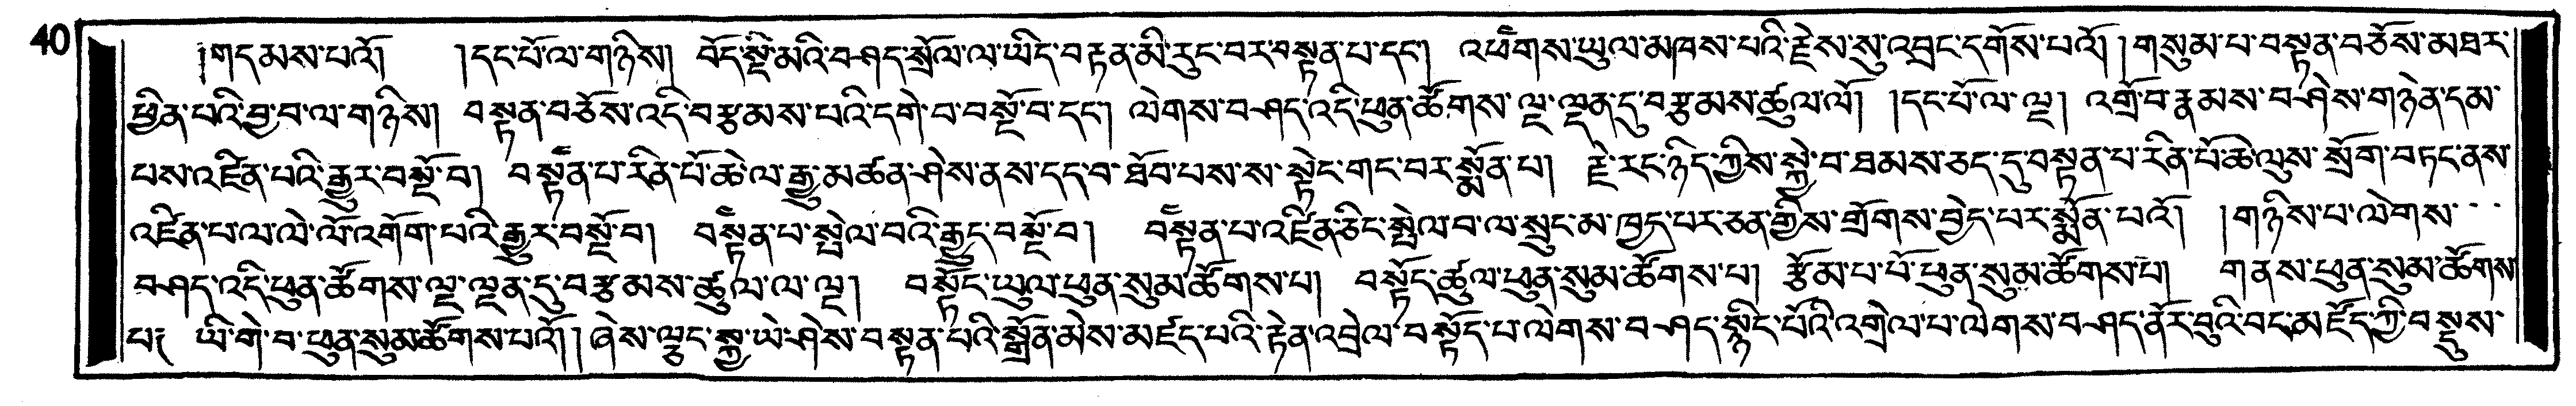གདམས་པའོ། །དང་པོ་ལ་གཉིས། བོད་སྡི་མའི་བཤད་སྲོལ་ལ་ཡིད་བརྟན་མི་རུང་བར་བསྟན་པ་དང་། འཕགས ༤་ཡུལ་མཁས་པའི་རྗེས་སུ་འབྲང་དགོས་པའོ། །གསུམ་པ་བསྟན་བཅོས་མཐར་
ཕྱིན་པའི་བྱ་བ་ལ་གཉིས། བསྟན་བཅོས་འདི་བརྩམས་པའི་དགེ་བ་བསྔོ་བ་དང་། ལེགས་བཤད་འདི་ཕུན་ཚོགས་ལྔ་ལྡན་དུ་བརྩམས་ཚུལ་ལོ། །དང་པོ་ལ་ལྔ། འགྲོ་བ་རྣམས་བཤེས་གཉེན་དམ་
པས་འཛིན་པའི་རྒྱུར་བསྔོ་བ། བསྟན ༤་པ་རིན་པོ་ཆེ་ལ་རྒྱུ་མཚན་ཤེས་ནས་དད་བ་ཐོབ་པས་ས་སྟེང་གང་བར་སྨོན་པ། རྗེ་རང་ཉིད་ཀྱིས་སྐྱེ་བ་ཐམས་ཅད་དུ་བསྟན་པ་རིན་པོ་ཆེ་ལུས་སྲོག་བཏང་ནས་
འཛིན་པ་ལ་ལེ་ལོ་འགོག་པའི་རྒྱུར་བསྔོ་བ། བསྟན ༤་པ་སྤེལ་བའི་རྒྱུད་བསྔོ་བ། བསྟན ༤་པ་འཛིན་ཅིང་སྤེལ་བ་ལ་སྲུང་མ་ཁྱད་པར་ཅན་གྱིས་གྲོགས་བྱེད་པར་སྨོན་པའོ། །གཉིས་པ་ལེགས་
བཤད་འདི་ཕུན་ཚོགས་ལྔ་ལྡན་དུ་བརྩམས་ཚུལ་ལ་ལྔ། བསྟོང་ཡུལ་ཕུན་སུམ་ཚོགས་པ། བསྟོད་ཚུལ་ཕུན་སུམ་ཚོགས་པ། རྩོམ་པ་པོ་ཕུན་སུམ་ཚོགས་པ། གནས་ཕུན་སུམ་ཚོགས་
པ༑ ཡི་གེ་བ་ཕུན་སུམ་ཚོགས་པའོ། །ཞེས་ལྕང་སྐྱ་ཡེ་ཤེས་བསྟན་པའི་སྒྲོན་མེས་མཛད་པའི་རྟེན་འབྲེལ་བསྟོད་པ་ལེགས་བཤད་སྙིང་པོའི་འགྲེལ་པ་ལེགས་བཤད་ནོར་བུའི་བང་མཛོད་ཀྱི་བསྡུས་